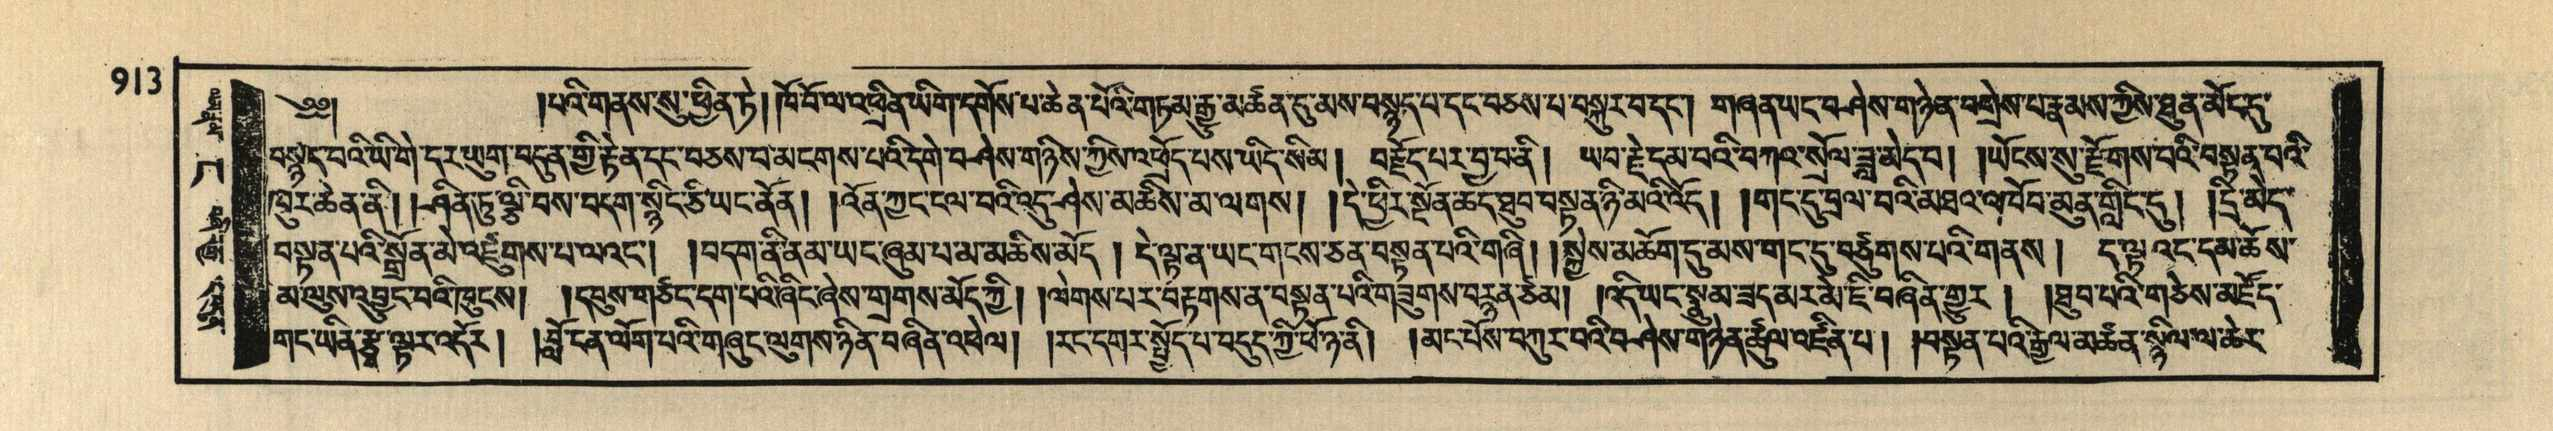༄༅། །པའི་གནས་སུ་ཕྱིན་ཏེ། ཁོ་བོ་ལ་འཕྲིན་ཡིག་དགོས་པ་ཆེན་པོའི་གཏམ་རྒྱུ་མཚན་དུ་མས་བསྙད་པ་དང་བཅས་པ་བསྐུར་བ་དང་། གཞན་ཡང་བཤེས་གཉེན་བགྲེས་པ་རྣམས་ཀྱིས་ཐུན་མོང་དུ་
བསྙད་པའི་ཡི་གེ་དར་ཡུག་བདུན་གྱི་རྟེན་དང་བཅས་པ་མངགས་པའི་དགེ་བཤེས་གཉིས་ཀྱིས་འཕྲོད་པས་ཡིད་སིམ། བརྗོད་པར་བྱ་བ་ནི། ཡབ་རྗེ་དམ་པའི་བཀའ་སྲོལ་ཟླ་མེད་པ། །ཡོངས་སུ་རྫོགས་པའི་བསྟན་པའི་
ཁུར་ཆེན་ནི། །ཤིན་ཏུ་ལྕི་བས་བདག་སྙིང་ཅི་ཡང་ནོན། །འོན་ཀྱང་ངལ་བའི་འདུ་ཤེས་མཆིས་མ་ལགས། །དེ་ཕྱིར་སྔོན་ཆད་ཐུབ་བསྟན་ཉི་མའི་འོད། །གང་དུ་བྲལ་བའི་མཐའ་འཁོབ་མུན་གླིང་དུ། །དྲི་མེད་
བསྟན་པའི་སྒྲོན་མེ་འཛུགས་པ་ལའང་། །བདག་ནི་ནམ་ཡང་ཞུམ་པ་མ་མཆིས་མོད། །དེ་ལྟ་ན་ཡང་གངས་ཅན་བསྟན་པའི་གཞི། །སྐྱེས་མཆོག་དུ་མས་གང་དུ་བཙུགས་པའི་གནས། ད་ལྟའང་དམ་ཆོས་
མ་ལུས་འབྱུང་བའི་ཁུངས། །དབུས་གཙང་དག་པའི་ཞིང་ཞེས་གྲགས་མོད་ཀྱི། །ལེགས་པར་བརྟགས་ན་བསྟན་པའི་གཟུགས་བརྙན་ཙམ། །འདི་ཡང་སྣུམ་ཟད་མར་མེ་ཇི་བཞིན་གྱུར། །ཐུབ་པའི་གཅེས་མཛོད་
གང་ཡིན་རྩྭ་ལྟར་འདོར། །བློ་ངན་ལོག་པའི་གཞུང་ལུགས་ཉིན་བཞིན་འཕེལ། །རང་དགར་སྤྱོད་པ་བདུད་ཀྱི་ཕོ་ཉ་ནི། །མང་པོས་བཀུར་བའི་བཤེས་གཉེན་ཚུལ་འཛིན་པ། །བསྟན་པའི་རྒྱལ་མཚན་སྙིལ་ལ་ཆེར་